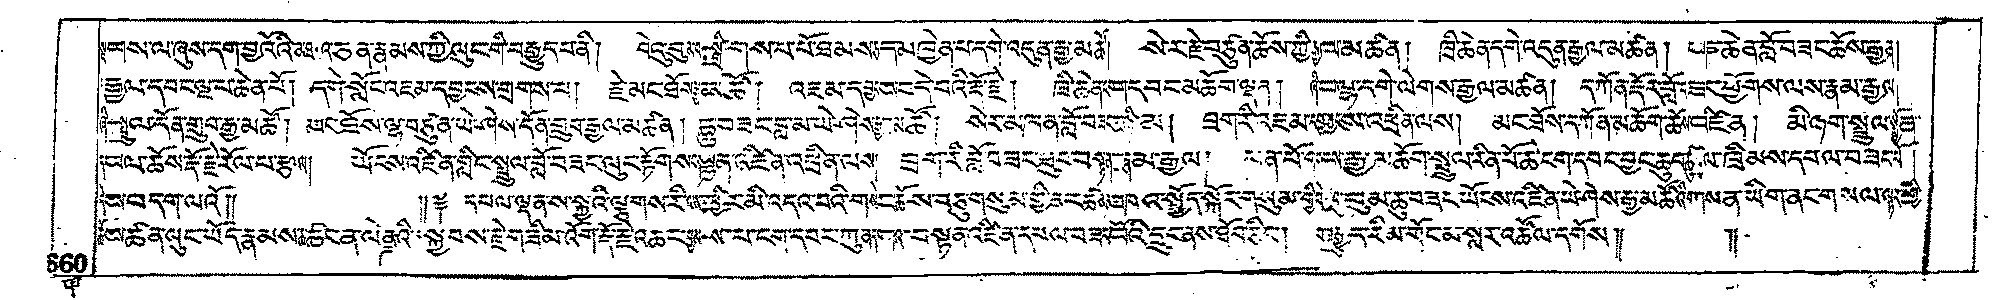སྔགས་ལ་ཞུས་དག་བྱའོའི་མཐའ་ཅན་རྣམས་ཀྱི་ལུང་གི་བརྒྱུད་པ་ནི། བེའུ་བུམ་བསྒྲིགས་པ་པོ་ཐམས་ཅད་མཁྱེན་པ་དགེ་འདུན་རྒྱ་མཚོ། སེ་ར་རྗེ་བཙུན་ཆོས་ཀྱི་རྒྱལ་མཚན། ཁྲི་ཆེན་དགེ་འདུན་རྒྱལ་མཚན། པཎ་ཆེན་བློ་བཟང་ཆོས་རྒྱན།
༧རྒྱལ་དབང་ལྔ་པ་ཆེན་པོ། དགེ་སློང་འཇམ་དབྱངས་གྲགས་པ། རྗེ་མང་ཐོས་རྒྱ་མཚོ། འཇམ་དབྱངས་བདེ་བའི་རྡོ་རྗེ། ཁྲི་ཆེན་ངག་དབང་མཆོག་ལྡན། ཞི་བ་ལྷ་དགེ་ལེགས་རྒྱལ་མཚན། དཀོན་རྡོར་བློ་བཟང་ཕྱོགས་ལས་རྣམ་རྒྱལ།
ཞི་སྤྲུལ་དོན་གྲུབ་རྒྱ་མཚོ། མང་ཐོས་ལྷ་བཙུན་ཡེ་ཤེས་དོན་གྲུབ་རྒྱལ་མཚན། ཆུ་བཟང་བླ་མ་ཡེ་ཤེས་རྒྱ་མཚོ། སེར་མཁན་བློ་བཟང་ཉི་མ། བྲག་རི་འཇམ་དབྱངས་འཕྲིན་ལས། མང་ཐོས་དཀོན་མཆོག་ཆོས་འཛིན། མི་ཉག་སྤྲུལ་སྨྱོན་
དཔལ་ཆོས་རྡོ་རྗེ་རོལ་པ་རྩལ། ཡོངས་འཛིན་གླིང་སྤྲུལ་བློ་བཟང་ལུང་རྟོགས་བསྟན་འཛིན་འཕྲིན་ལས། བྲག་རི་བློ་བཟང་ཐུབ་བསྟན་རྣམ་རྒྱལ། ཕན་པོ་གངས་རྒྱ་མཆོག་སྤྲུལ་རིན་པོ་ཆེ་ངག་དབང་བྱང་ཆུབ་ཚུལ་ཁྲིམས་དཔལ་བཟང་པོ།
དེས་བདག་ལའོ།། །།འ་དཔལ་ལྡན་ས་སྐྱའི་ལྕགས་རི་ལས་ཕྱིར་མི་འདའ་བའི་གསེར་ཆོས་བཅུ་གསུམ་གྱི་ནང་ཚན་མཁའ་སྤྱོད་སྐོར་གསུམ་གྱི་བེའུ་བུམ་ཆུ་བཟང་ཡོངས་འཛིན་ཡེ་ཤེས་རྒྱ་མཚོའི་གསན་ཡིག་ནང་གསལ་ལྟར་གྱི་
ཆོས་ཚན་ལུང་ཡོད་རྣམས་ཆ་ཚང་ན་ལེནྜའི ༧སྐྱབས་རྗེ་གཟིམ་འོག་རྡོ་རྗེ་འཆང་བྱམས་པ་ངག་དབང་ཀུན་དགའ་བསྟན་འཛིན་དཔལ་བཟང་པོའི་དྲུང་ནས་ཐོབ་ཅིང་། བརྒྱུད་རིམ་གོང་མ་སླར་འཚོལ་དགོས།། །།